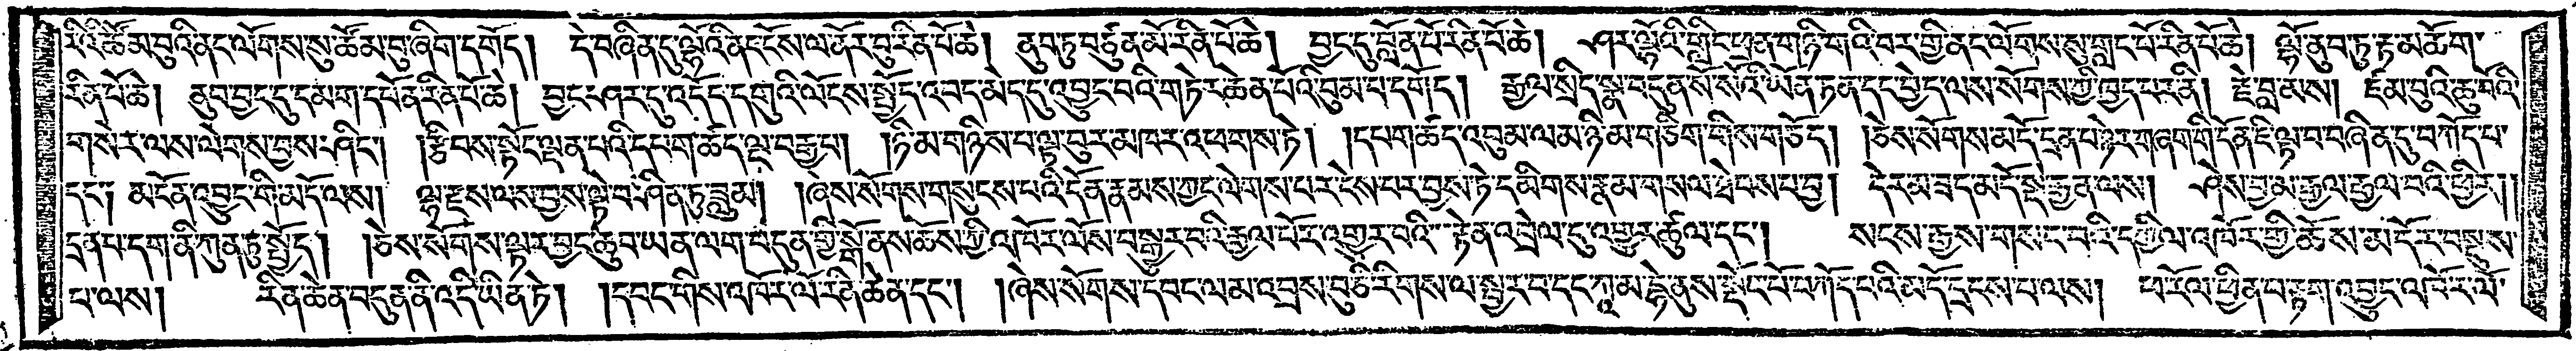རིའི་ཚོམ་བུའི་ནང་ལོགས་སུ་ཚོམ་བུ་ཞིག་དགོད། དེ་བཞིན་དུ་ལྷོའི་ནང་དངོས་ལ་ནོར་བུ་རིན་པོ་ཆེ། ནུབ་ཏུ་བཙུན་མོ་རིན་པོ་ཆེ། བྱང་དུ་བློན་བོ་རིན་པོ་ཆེ། ཤར་ལྷོའི་གླིང་ཕྲན་གཉི་གའི་བར་གྱི་ནང་ལོགས་སུ་གླང་པོ་རིན་པོ་ཆེ། ལྷོ་ནུབ་ཏུ་རྟ་མཆོག་
རིན་པོ་ཆེ། ནུབ་བྱང་དུ་དམག་དབོན་རིན་པོ་ཆེ། བྱང་ཤར་དུ་འདོད་དགུའི་ལོངས་སྤྱོད་འབད་མེད་དུ་འབྱུང་བའི་གཏེར་ཆེན་པོའི་བུམ་པ་དགོད། རྒྱལ་སྲིད་སྣ་བདུན་སོ་སོའི་ཡོན་ཏན་དང་བྱེད་ལས་སོགས་ཀྱི་ཁྱད་པར་ནི། རྗེ་བླ་མས། ཛམ་བུའི་ཆུ་བོའི་
གསེར་ལས་ལེགས་བྱས་ཤིང་། །རྩིབས་སྟོང་ལྡན་པའི་དཔག་ཚད་ལྔ་བརྒྱ་བ། །ཉི་མ་གཉིས་པ་ལྟ་བུར་མཁར་འཕགས་ཏེ། །དཔག་ཚད་འབུ་མ་ལམ་ཉི་མ་གཅིག་གིས་གཅོད། །ཅེས་སོགས་མདོ་དྲན་པ་ཉེར་གཞག་གི་དོན་ཇི་ལྟ་བ་བཞིན་དུ་བཀོད་པ་
དང༑ མངོན་འབྱུང་གི་མདོ་ལས། ལྷ་རྫས་ལས་བྱས་ལྟེ་བ་ཤིན་ཏུ་ཟླུམ། །ཞེས་སོགས་གསུངས་པའི་དོན་རྣམས་ཀྱང་ལེགས་པར་ངེས་པར་བྱས་ཏེ་དམིགས་རྣམ་གསལ་ཐེབས་པ་བྱ། དེར་མཛད་མདོ་སྡེ་རྒྱན་ལས། ཤེས་བྱ་མ་རྒྱལ་རྒྱལ་བའི་ཕྱིར།།
དྲན་པ་དག་ནི་ཀུན་ཏུ་སྤྱོད། །ཅེས་སོགས་ལྟར་བྱང་ཆུབ་ཡན་ལག་བདུན་གྱི་སྒོ་ནས་ཆོས་ཀྱི་འཁོར་ལོས་བསྒྱུར་བའི་རྒྱལ་པོར་འགྱུར་བའི་རྟེན་འབྲེལ་དུ་འགྱུར་ཚུལ་དང་། སངས་རྒྱས་གསང་བའི་དཀྱིལ་འཁོར་གྱི་ཆོས་མདོར་བསྡུས་
པ་ལས། རིན་ཆེན་བདུན་ནི་འདི་ཡིན་ཏེ། །དབང་གིས་འཁོར་ལོ་རིན་ཆེན་དང་། །ཞེས་སོགས་དབང་ལམ་འབྲས་བུ་ཅི་རིགས་ལ་སྦྱར་བ་དང་ཀཱ་མ་དྷེ་ནུས་སྡོང་བོ་བརྐོད་བའི་མདོ་དྲངས་པ་ལས། ཕ་རོལ་ཕྱིན་པ་རྟག་འབྱུང་འཁོར་ལོ་